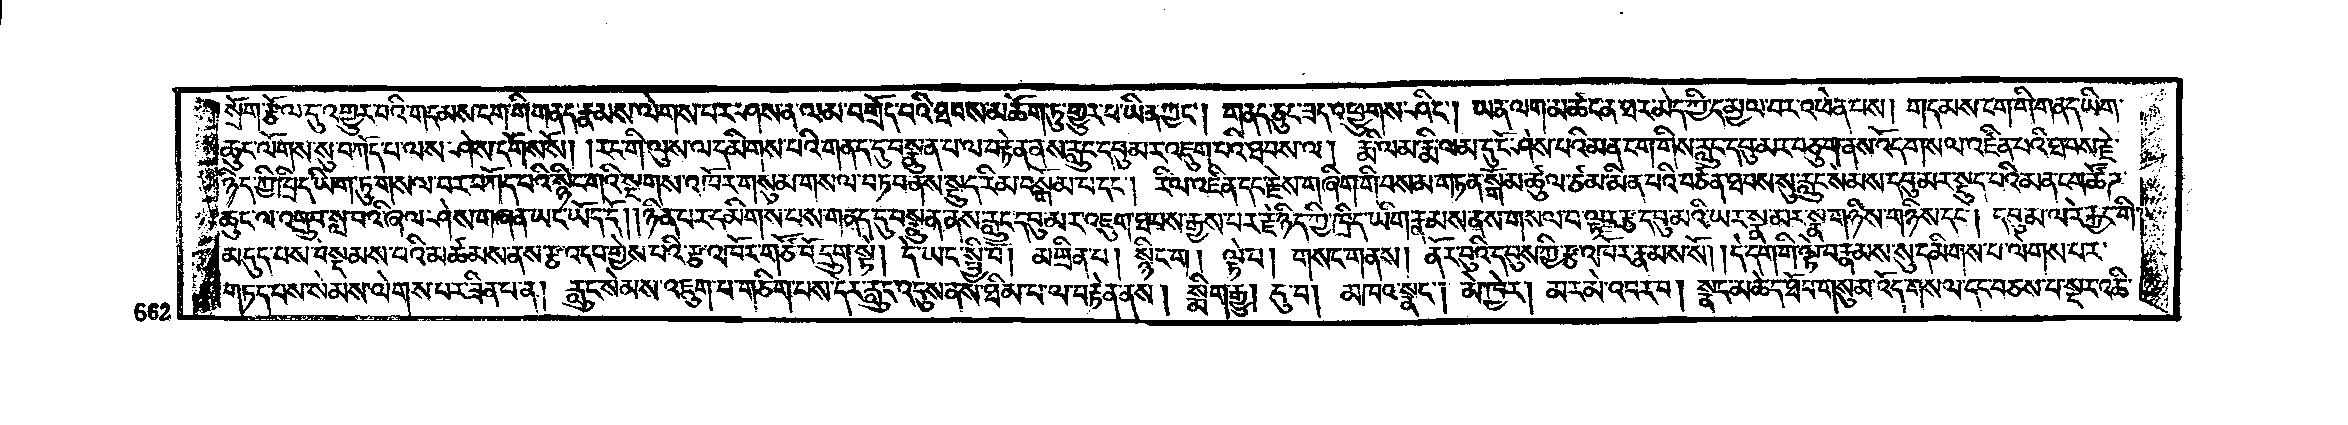སྲོག་རྩོལ་དུ་འགྱུར་བའི་གདམས་ངག་གི་གནད་རྣམས་ལེགས་པར་ཤེས་ན་ལམ་བགྲོད་པའི་ཐབས་མཆོག་ཏུ་གྱུར་པ་ཡིན་ཀྱང་། གནད་ཅུང་ཟད་འཕྱུགས་ཤིང་། ཡན་ལག་མ་ཚང་ན་ཐར་མེད་ཀྱི་དམྱལ་བར་འཕེན་པས། གདམས་ངག་གི་གནད་ཡིག་
ཆུང་ལོགས་སུ་བཀོད་པ་ལས་ཤེས་དགོས་སོ། །རང་གི་ལུས་ལ་དམིགས་པའི་གནད་དུ་བསྣུན་པ་ལ་བརྟེན་ནས་རླུང་དབུ་མར་འཇུག་པའི་ཐབས་ལ། རྨི་ལམ་རྨི་ལམ་དུ་ངོ་ཤེས་པའི་མན་ངག་གིས་རླུང་དབུ་མར་བཅུག་ནས་འོད་གསལ་འཛིན་པའི་ཐབས་རྗེ་
ཉིད་ཀྱི་ཁྲིད་ཡིག་ཏུ་གསལ་བར་བཀོད་པའི་སྙིང་གའི་སྔགས་འཁོར་གསུམ་གསལ་བཏབ་ནས་སྡུད་རིམ་བསྒོམ་པ་དང་། རིལ་འཛིན་དང་རྗེས་གཞིག་གི་བསམ་གཏན་སྒོམ་ཚུལ་ཙམ་མིན་པའི་བཙན་ཐབས་སུ་རླུང་སེམས་དབུ་མར་སྡུད་པའི་མན་ངག་ཚོགས་
ཆུང་ལ་འགྲུབ་སླ་བའི་ཞལ་ཤེས་གཞན་ཡང་ཡོད་དོ། །ཉིན་པར་དམིགས་པས་གནད་དུ་བསྣུན་ནས་རླུང་དབུ་མར་འཇུག་ཐབས་རྒྱས་པར་རྗེ་ཉིད་ཀྱི་ཁྲིད་ཡིག་རྣམས་ནས་གསལ་བ་ལྟར་རྩ་དབུ་མའི་ཡར་སྣ་མར་སྣ་གཉིས་གཉིས་དང་། དབུ་མ་ལ་རེ་རྐྱང་གི་
མདུད་པས་བསྡམས་པའི་མཚམས་ནས་རྩ་འདབ་གྱེས་པའི་རྩ་འཁོར་གཙོ་བོ་དྲུག་སྟེ། དེ་ཡང་སྤྱི་བོ། མགྲིན་པ། སྙིང་ག །ལྟེ་བ། གསང་གནས། ནོར་བུའི་དབུས་ཀྱི་རྩ་འཁོར་རྣམས་སོ། །དེ་དག་གི་ལྟེ་བ་རྣམས་སུ་དམིགས་པ་ལེགས་པར་
གཏད་པས་སེམས་ལེགས་པར་ཟིན་པ་ན། རླུང་སེམས་འཇུག་པ་གཅིག་པས་དེར་རླུང་འདུས་ནས་ཐིམ་པ་ལ་བརྟེན་ནས། སྨིག་རྒྱུ། དུ་བ། མཁའ་སྣང་། མེ་ཁྱེར། མར་མེ་འབར་བ། སྣང་མཆེད་ཐོབ་གསུམ་འོད་གསལ་དང་བཅས་པ་སྔར་འཆི་